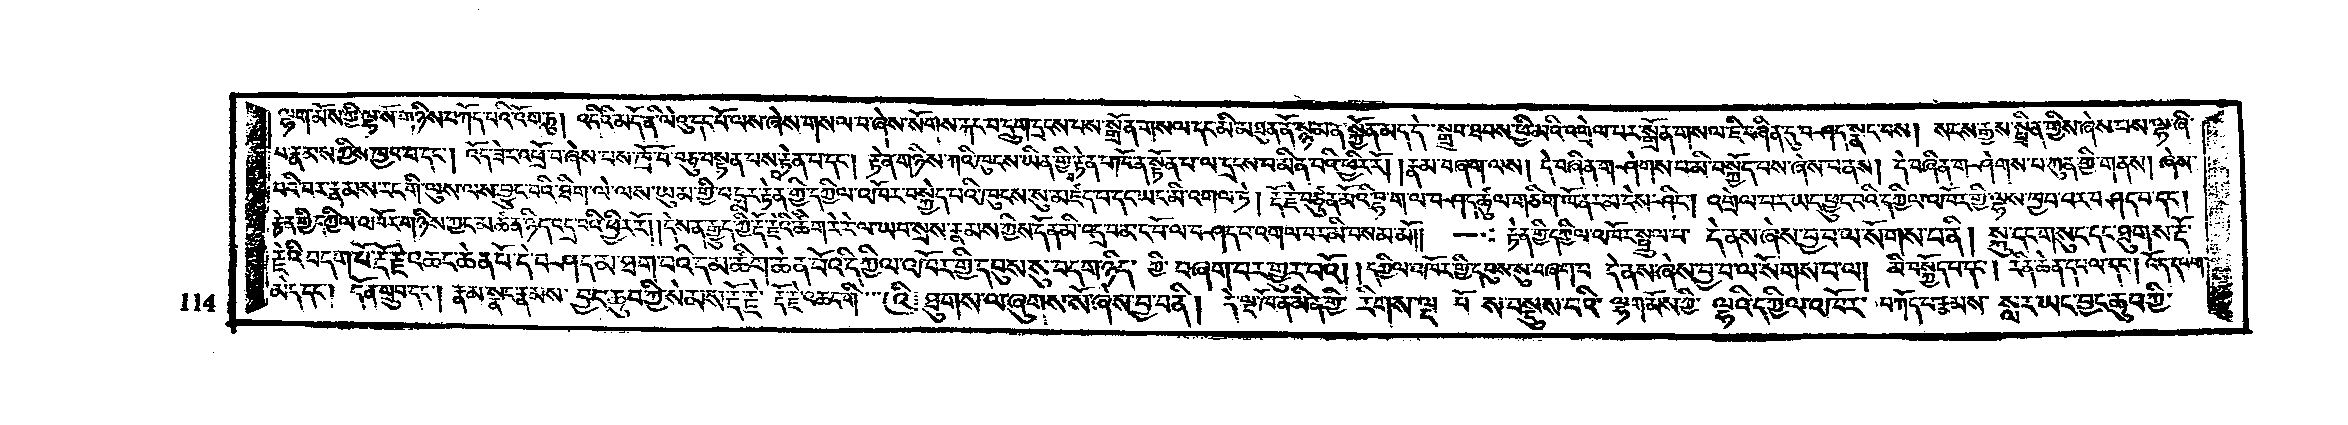ལྷག་མོས་ཀྱི་ལྷ་སོ་གཉིས་བཀོད་པའི་འོག་ཏུ། འདིའི་མདོ་ནི་ལེའུ་དང་པོ་ལས་ཞེས་གསལ་བ་ཞེས་སོགས་རྐང་བ་དྲུག་དྲངས་པས་སྒྲོན་གསལ་དང་མི་མཐུན་ནོ་སྙམ་ན་སྐྱོན་མེད་དེ་སྒྲུབ་ཐབས་ཕྱི་མའི་འགྲེལ་པར་སྒྲོན་གསལ་ཇི་བཞིན་དུ་བཤད་སྣང་བས། སངས་རྒྱས་སྤྲིན་གྱིས་ཞེས་པས་ལྷ་ཞི་
པ་རྣམས་ཀྱིས་ཁྱབ་པ་དང་། འོད་ཟེར་འཕྲོ་བ་ཞེས་པས་ཁྲོ་བོ་བཅུ་བསྟན་པས་བརྟེན་པ་དང་། རྟེན་གཉིས་ཀའི་ཁུངས་ཡིན་གྱི་བརྟེན་པ་ཁོ་ན་སྟོན་པ་ལ་དྲངས་པ་མིན་པའི་ཕྱིར་རོ། །རྣམ་བཞག་ལས། དེ་བཞིན་གཤེགས་པ་མི་བསྐྱོད་པས་ཞེས་པ་ནས། དེ་བཞིན་གཤེགས་པ་ཀུན་གྱི་གནས། ཞེས་
པའི་བར་རྣམས་རང་གི་ལུས་ལས་བྱུང་བའི་ཐིག་ལེ་ལས་ཡུམ་གྱི་པདམར་རྟེན་གྱི་དཀྱིལ་འཁོར་བསྐྱེད་པའི་ཁུངས་སུ་མཛད་པ་དང་ཡང་མི་འགལ་ཏེ། རྡོ་རྗེ་བཙུན་མོའི་བྷ་ག་ལ་བཤད་ཚུལ་གཅིག་ཁོ་ནར་མ་ངེས་ཤིང་། འགྲེལ་པར་ཡང་ཕྱུང་བའི་དཀྱིལ་འཁོར་གྱི་ལྷས་ཁྱབ་པར་བཤད་པ་དང་།
རྟེན་གྱི་དཀྱིལ་འཁོར་གཉིས་ཀྱང་མཚན་ཉིད་འདྲ་བའི་ཕྱིར་རོ། །དེས་ན་རྒྱུད་ཀྱི་རྡོ་རྗེའི་ཚིག་རེ་རེ་ལ་ཡབ་སྲས་རྣམས་ཀྱིས་དོན་མི་འདྲ་བ་མང་པོ་ལ་བཤད་པ་འགལ་བར་མི་བསམ་མོ།། རྟེན་གྱི་དཀྱིལ་འཁོར་སྤྲུལ་པ་དེ་ནས་ཞེས་བྱ་བ་ལ་སོགས་པ་ནི། སྐུ་དང་གསུང་དང་ཐུགས་རྡོ་
རྗེའི་བདག་པོ་རྡོ་རྗེ་འཆང་ཆེན་པོ་དེ་བཤད་མ་ཐག་པའི་དམ་ཚིག་ཆེན་པོའི་དཀྱིལ་འཁོར་གྱི་དབུས་སུ་བདག་ཉིད་ཀྱི་བཞག་པར་གྱུར་པའོ། ། དཀྱིལ་འཁོར་གྱི་དབུས་སུ་བཞག་པ་དེ་ནས་ཞེས་བྱ་བ་ལ་སོགས་པ་ལ། མི་བསྐྱོད་པ་དང་། རིན་ཆེན་དཔལ་དང་། འོད་དཔག་
མེད་དང་། དོན་གྲུབ་དང་། རྣམ་སྣང་རྣམས་བྱང་ཆུབ་ཀྱི་སེམས་རྡོ་རྗེ་རྡོ་རྗེ་འཆང་གི་འི་ཐུགས་ལ་ཞུགས་སོ་ཞེས་བྱ་བ་ནི། དེ་ལྔ་ཁོ་ན་མིན་གྱི་རིགས་ལྔ་པོ་ས་བསྡུས་པའི་ལྷག་མོས་ཀྱི་ལྷའི་དཀྱིལ་འཁོར་བཀོད་པ་རྣམས་སླར་ཡང་བྱང་ཆུབ་ཀྱི་